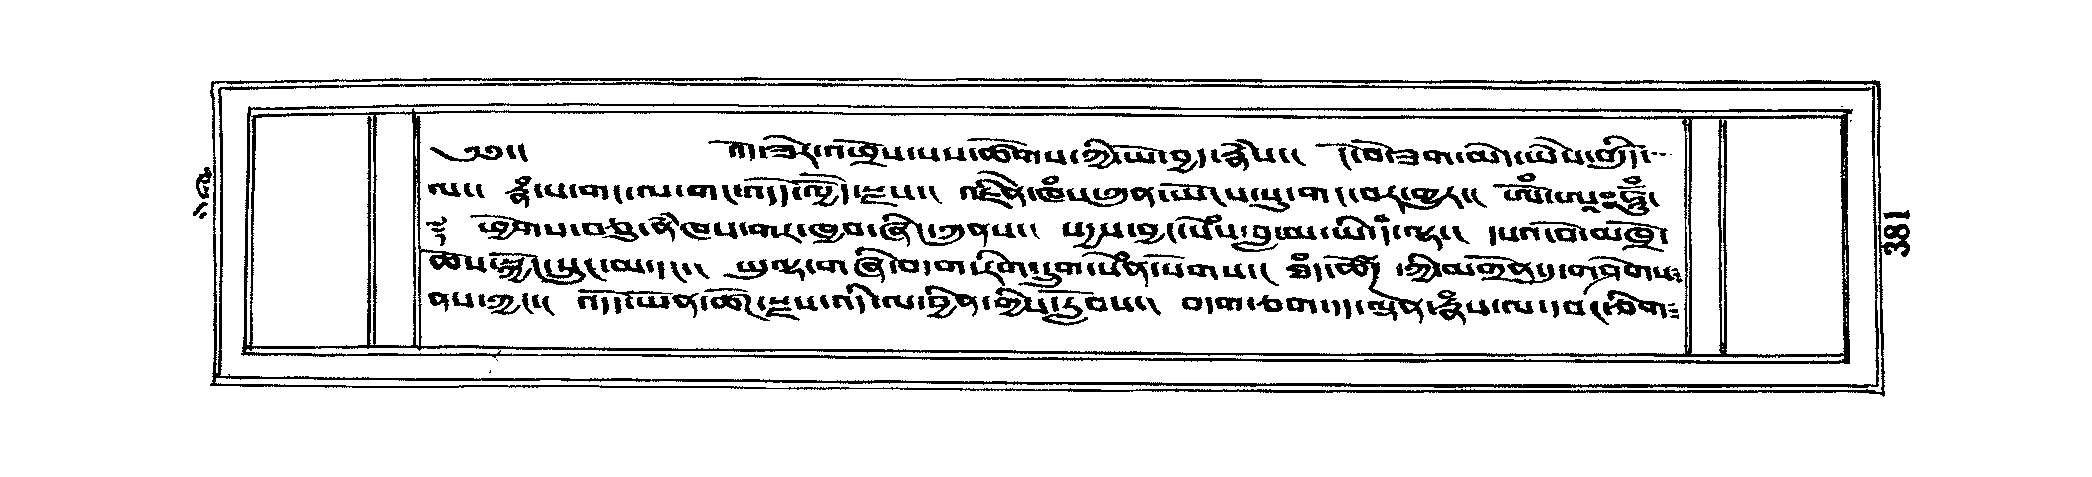འོད་ཟེར་འཕྲོས་པས་ཚོགས་ཀྱི་ཡོ་བྱད་རྣམས། །ངོ་བོ་ཟག་མེད་ཡེ་ཤེས་བདུད་རྩི་
ལ། །རྣམ་པ་གང་ལ་གང་འདོད་ལོངས་སྤྱོད་རྫས། །འཇིག་རྟེན་ཁམས་ཀུན་ཡོངས་སུ་གང་བར་གྱུར། །ཨོྃ་ཨཱ་ཧཱུྂ། 
༈ ཕྱོགས་བཅུ་ནམ་མཁས་གར་ཁྱབ་ཞིང་ཀུན་ནས། །སངས་རྒྱས་བྱང་སེམས་བླ་མ་ཡི་དམ་ལྷ། །དཔའ་བོ་མཁའ་འགྲོ་
ཆོས་སྐྱོང་སྲུང་མ་དང་། །ཡུལ་ལྷ་གཞི་བདག་རིགས་དྲུག་སེམས་ཅན་སོགས། །ཐམས་ཅད་ཚོགས་ཀྱི་མགྲོན་དུ་གཤེགས་
ནས་ཀྱང་། །འདོད་ཡོན་ཚོགས་རྫས་འདི་ལ་བྱིན་གྱིས་རློབས། །བདག་ཅག་དད་ལྡན་རྣམས་ལ་དབང་ཅིག་